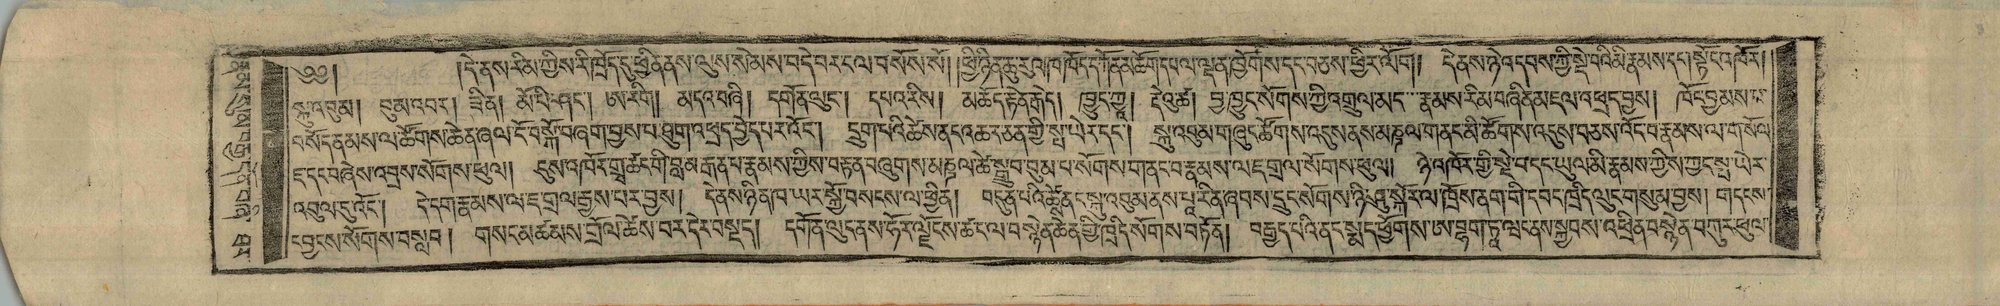༄༅། །དེ་ནས་རིམ་གྱིས་རི་ཁྲོད་དུ་ཕྱིན་ནས་ལུས་སེམས་བདེ་བར་ངལ་བསོས་སོ། །ཕྱི་ཉིན་ཆུ་རུལ་ཁ་ཁོང་དཀོན་མཆོག་དཔལ་ལྡན་ཁྱོགས་དང་བཅས་ཕྱིར་ལོག །དེ་ནས་ཉེ་འདབས་ཀྱི་སྡེ་བའི་མི་རྣམས་དང་། སྟོང་འཁོར།
སྐུ་འབུམ། བུམ་འབར། ཟིན། མོ་པི་ཤང་། ཨ་རིག །མདའ་བཞི། དགོན་ལུང་། དཔའ་རིས། མཆོད་རྟེན་རྒེད། ཁྱུང་ཀྱཱ། རྡེའུ་ཚ། བྱ་ཁྱུང་སོགས་ཀྱི་འགྲུལ་མང་རྣམས་རིམ་བཞིན་མཇལ་འཕྲད་བྱས། ཁོང་བྱམས་པ་
བསོད་ནམས་ལ་ཚོགས་ཆེན་ཞལ་ངོ་བསྐོ་བཞག་བྱས་པ་ཐུག་འཕྲད་བྱེད་པར་འོང་། དྲུག་པའི་ཚེས་ནང་འཆར་ཅན་གྱི་སྤ་ཡེར་དང་། སྐུ་འབུམ་གཞུང་ཚོགས་འདུས་ནས་མཎྜལ་གནང་མི་ཚོགས་འདུས་བཅས་འོང་བ་རྣམས་ལ་གསོལ་
ཇ་དང་བཞེས་འབྲས་སོགས་ཕུལ། དུས་འཁོར་གྲྭ་ཚང་གི་བླ་མ་རྒན་པ་རྣམས་ཀྱིས་བརྟན་བཞུགས་མཎྜལ་ཚེ་སྒྲུབ་བུམ་པ་སོགས་གནང་བ་རྣམས་ལ་ཇ་གྲལ་སོགས་ཕུལ། ཉེ་འཁོར་གྱི་སྡེ་པ་དང་ཡུལ་མི་རྣམས་ཀྱིས་ཀྱང་སྤ་ཡེར་
འབུལ་དུ་འོང་། དེ་དག་རྣམས་ལ་ཇ་གྲལ་རྒྱས་པར་བྱས། དེ་ནས་ཉིན་ཁ་ཡར་སྐྱོ་བསངས་ལ་ཕྱིན། བདུན་པའི་ཚེས་ནང་སྐུ་འབུམ་ནས་པཱ་རིན་ཞབས་དྲུང་སོགས་ཉི་ཤུ་སྐོར་ལ་ཁྲོས་ནག་གི་དབང་ཁྲིད་ལུང་གསུམ་བྱས། གདངས་
དབྱངས་སོགས་བསླབ། གསང་མཚམས་གྲོལ་ཚེས་བར་དེར་བསྡད། དགོན་ལུང་ནས་ཧོར་ལྗོངས་ཚང་ལ་བསྙེན་ཆེན་གྱི་ཁྲིད་སོགས་བཏོན། བརྒྱད་པའི་ནང་སྨད་ཕྱོགས་ཨ་བྷག་ཏཱ་ཝང་ནས་སྐྱབས་འཕྲིན་བསྙེན་བཀུར་ཕུལ་